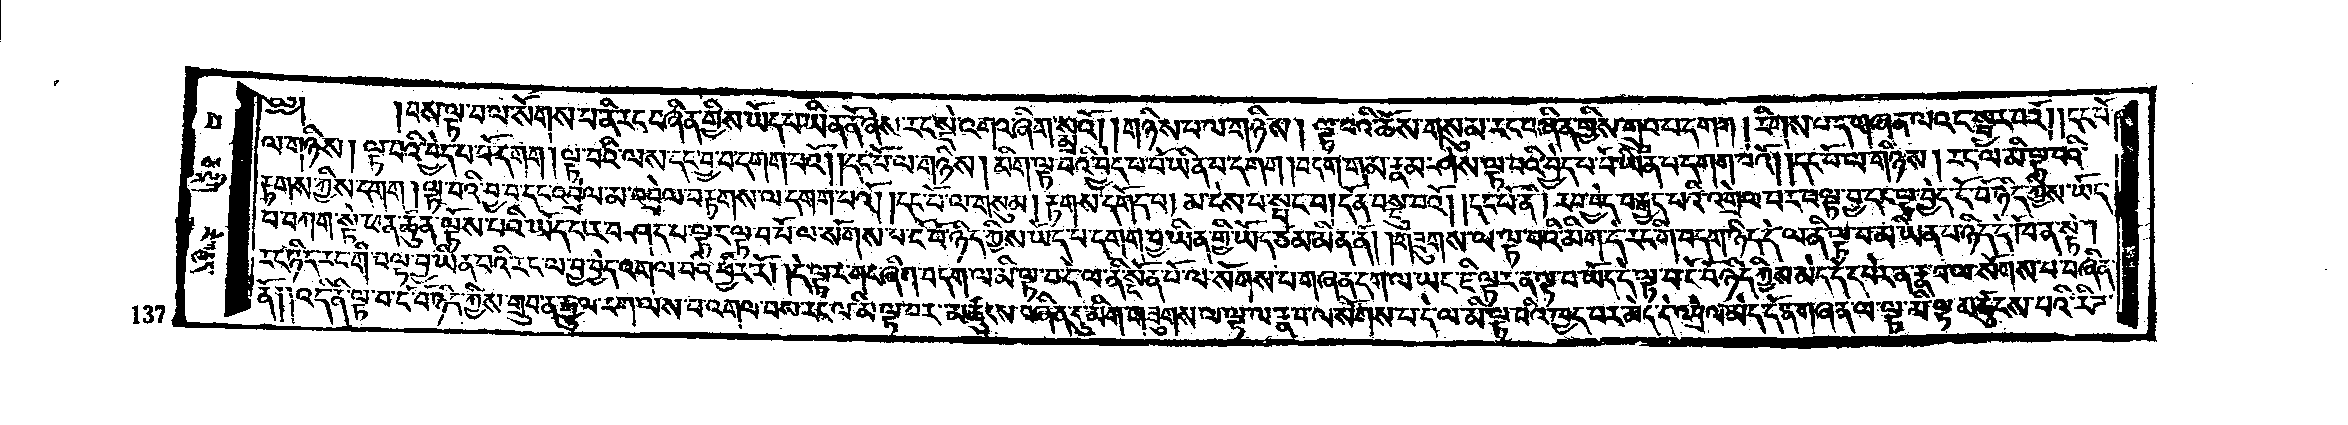༄༅། །བས་ལྟ་བ་ལ་སོགས་པ་ནི་རང་བཞིན་གྱིས་ཡོད་པ་ཡིན་ནོ་ཞེས་རང་སྡེ་འགའ་ཞིག་སྨྲའོ། །གཉིས་པ་ལ་གཉིས། ལྟ་བའི་ཆོས་གསུམ་རང་བཞིན་གྱིས་གྲུབ་པ་དགག། རིགས་པ་དེ་གཞན་ལའང་སྦྱར་བའོ། །དང་པོ་
ལ་གཉིས། ལྟ་བའི་བྱེད་པ་པོ་དགག། ལྟ་བའི་ལས་དང་བྱ་བ་དགག་པའོ། །དང་པོ་ལ་གཉིས། མིག་ལྟ་བའི་བྱེད་པ་པོ་ཡིན་པ་དགག །བདག་གམ་རྣམ་ཤེས་ལྟ་བའི་བྱེད་པ་པོ་ཡིན་པ་དགག་པའོ། །དང་པོ་ལ་གཉིས། རང་ལ་མི་ལྟ་བའི་
རྟགས་ཀྱིས་དགག། ལྟ་བའི་བྱ་བ་དང་འབྲེལ་མ་འབྲེལ་བརྟགས་ལ་དགག་པའོ། །དང་པོ་ལ་གསུམ། རྟགས་དགོད་པ། མ་ངེས་པ་སྤང་བ། དོན་བསྡུ་བའོ། །དང་པོ་ནི། རབ་བྱེད་བརྒྱད་པའི་འགྲེལ་པར་བལྟ་བྱ་དང་ལྟ་བྱེད་ངོ་བོ་ཉིད་ཀྱིས་ཡོད་
པ་བཀག་སྟེ་ཕན་ཚུན་ལྟོས་པའི་ཡོད་པར་བཤད་པ་ལྟར་ལྟ་བ་པོ་ལ་སོགས་པ་ངོ་བོ་ཉིད་ཀྱིས་ཡོད་པ་དགག་བྱ་ཡིན་གྱི་ཡོད་ཙམ་མིན་ནོ། །གཟུགས་ལ་ལྟ་བའི་མིག་དེ་རང་གི་བདག་ཉིད་དེ་ལ་ནི་ལྟ་བ་མ་ཡིན་པ་ཉིད་དེ་ཁོ་ན་སྟེ།
རང་ཉིད་རང་གི་བལྟ་བྱ་ཡིན་པའི་རང་ལ་བྱ་བྱེད་འགལ་བའི་ཕྱིར་རོ། །དེ་ལྟར་གང་ཞིག་བདག་ལ་མི་ལྟ་བ་དེ་ལ་ནི་སྔོན་པོ་ལ་སོགས་པ་གཞན་དག་ལ་ཡང་ཇི་ལྟར་ན་ལྟ་བ་ཡོད་དེ་ལྟ་བ་ངོ་བོ་ཉིད་ཀྱིས་མེད་དེ་དཔེར་ན་རྣ་བ་ལ་སོགས་པ་བཞིན་
ནོ། །འདི་ནི་ལྟ་བ་ངོ་བོ་ཉིད་ཀྱིས་གྲུབ་ན་རྒྱུ་ལ་རག་ལས་པ་འགལ་བས་རང་ལ་མི་ལྟ་བར་མཚུངས་བཞིན་དུ་མིག་གཟུགས་ལ་ལྟ་ལ་རྣ་བ་ལ་སོགས་པ་དེ་ལ་མི་ལྟ་བའི་ཁྱད་པར་མེད་དེ་འབྲེལ་མེད་དོན་གཞན་ལ་ལྟ་མི་ལྟ་མཚུངས་པའི་རིཌ་